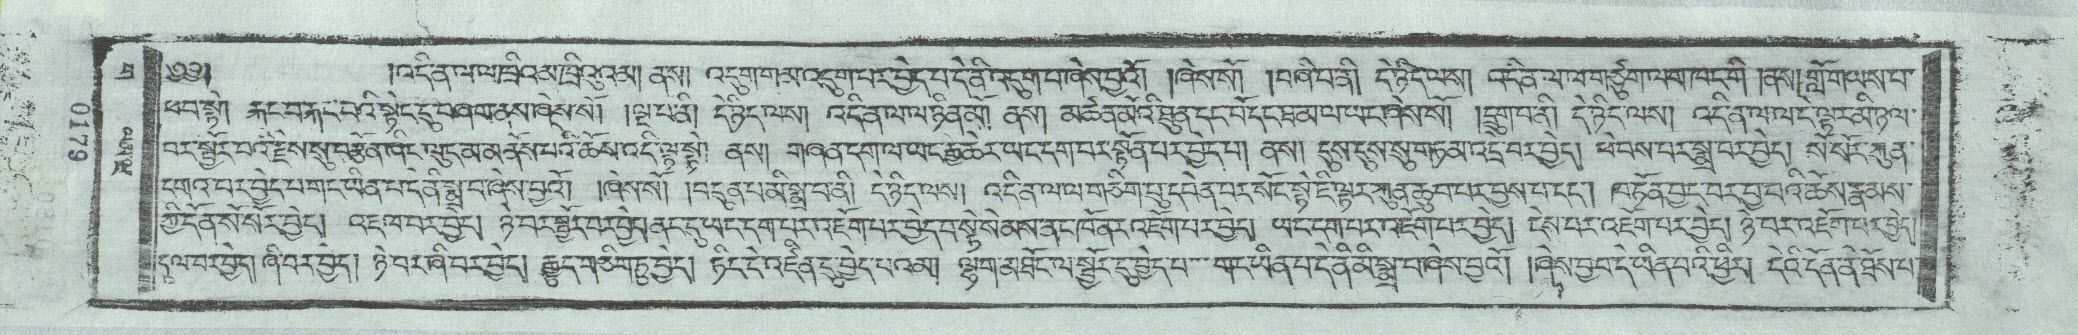༄༅། །འདི་ན་ལ་ལ་ཁྲིའམ་ཁྲིའུའམ། ནས། འདུག་གམ་འདུག་པར་བྱེད་པ་དེ་ནི་འདུག་པ་ཞེས་བྱའོ། །ཞེས་སོ། །བཞི་པ་ནི། དེ་ཉིད་ལས། འདི་ན་ལ་ལ་གཙུག་ལག་ཁང་གི །ནས། གློ་གཡས་པ་
ཕབ་སྟེ། རྐང་བརྐང་བའི་སྟེང་དུ་བཞག་ནས་ཞེས་སོ། །ལྔ་པ་ནི། དེ་ཉིད་ལས། འདི་ན་ལ་ལ་ཉིན་མོ། ནས། མཚན་མོའི་ཐུན་དང་པོ་དང་ཐ་མ་ལ་ཡང་ཞེས་སོ། །དྲུག་པ་ནི། དེ་ཉིད་ལས། འདི་ན་ལ་ལ་དེ་ལྟར་མི་ཉལ་
བར་སྦྱོར་བའི་རྗེས་སུ་བརྩོན་ཞིང་ལུང་མ་མནོས་པའི་ཆོས་འདི་ལྟ་སྟེ། ནས། གཞན་དག་ལ་ཡང་རྒྱ་ཆེར་ཡང་དག་པར་སྟོན་པར་བྱེད་པ། ནས། དུས་དུས་སུ་གཏམ་འདྲེ་བར་བྱེད། ཕེབས་པར་སྨྲ་བར་བྱེད། སོ་སོར་ཀུན་
དགའ་བར་བྱེད་པ་གང་ཡིན་པ་དེ་ནི་སྨྲ་བ་ཞེས་བྱའོ། །ཞེས་སོ། །བདུན་པ་མི་སྨྲ་བ་ནི། དེ་ཉིད་ལས། འདི་ན་ལ་ལ་གཅིག་པུ་དབེན་པར་སོང་སྟེ་ཇི་ལྟར་ཀུན་ཆུབ་པར་བྱས་པ་དང་། ཁ་ཏོན་བྱང་བར་བྱ་བའི་ཆོས་རྣམས་
ཀྱི་དོན་སོ་སོར་བྱེད། འཇལ་པར་བྱེད། ཉེ་བར་སྦྱོར་པར་བྱེད་ནང་དུ་ཡང་དག་པར་འཇོག་པར་བྱེད་པ་སྟེ་སེམས་ནང་ཁོ་ནར་འཇོག་པར་བྱེད། ཡང་དག་པར་འཇོག་པར་བྱེད། ངེས་པར་འཇོག་པར་བྱེད། ཉེ་བར་འཇོག་པར་བྱེད།
དུལ་བར་བྱེད། ཞི་བར་བྱེད། ཉེ་བར་ཞི་བར་བྱེད། རྒྱུད་གཅིག་ཏུ་བྱེད། ཏིང་ངེ་འཛིན་དུ་བྱེད་པའམ། ལྷག་མཐོང་ལ་སྦྱོར་དུ་བྱེད་པ་གང་ཡིན་པ་དེ་ནི་མི་སྨྲ་བ་ཞེས་བྱའོ། །ཞེས་བྱ་བ་དེ་ཡིན་པའི་ཕྱིར། དེའི་དོན་ནེ་ཐོས་པ་